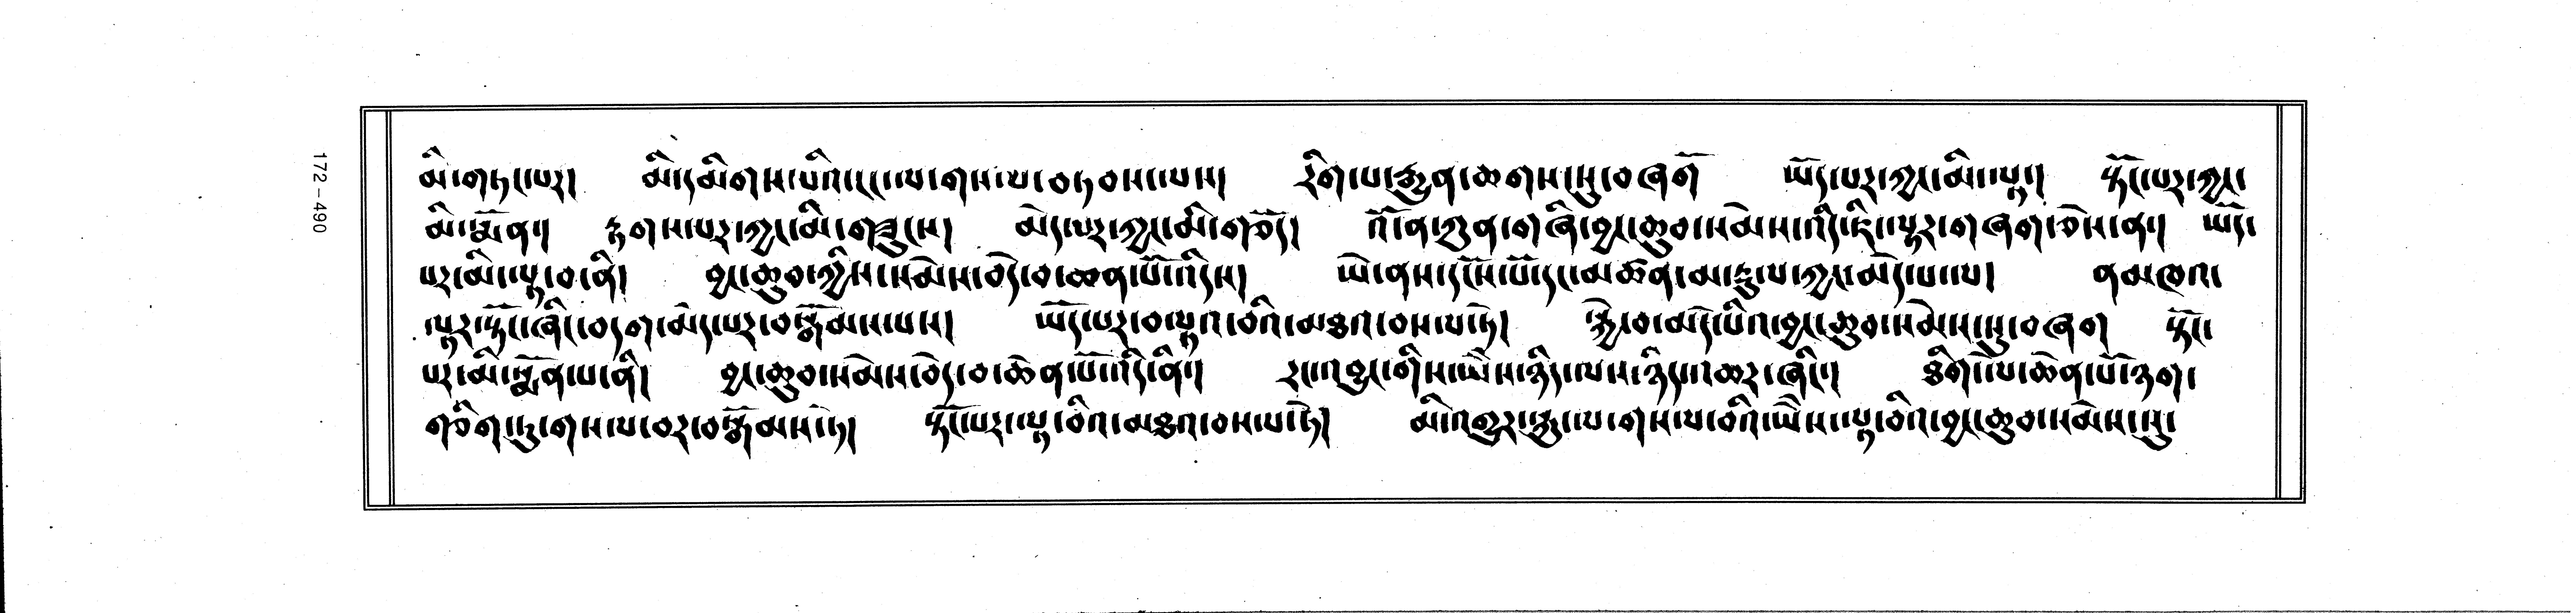མི་གཏང་པར། མི་དམིགས་པའི་ངང་ལ་གསལ་བཏབས་ལས། རིག་པ་རྒྱུན་ཆགས་སུ་བཞག་གོ། ཡོད་པར་ཀྱང་མི་ལྟ། སྟོང་པར་ཀྱང་
མི་སྨོན། རྟག་པར་ཀྱང་མི་གཟུངས། མེད་པར་ཀྱང་མི་གཅོད། མེད་པར་ཀྱང་མི་གཅོད། འོ་ན་ཀུན་གཞི་བྱང་ཆུབ་སེམས་ཇི་ལྟར་གཞག་ཅེས་ན། ཡོད་
པར་མི་ལྟ་བ་ནི། བྱང་ཆུབ་ཀྱིས་སེམས་བདེ་བ་ཆེན་པོ་འདིས་ ཡེ་ནས་དངོས་པོ་དང་མཚན་མ་རྡུལ་ཀྱང་མེད་པ་ལ་ ནམ་མཁའ་
ལྟར་སྟོང་ཞིང་བདག་མེད་པར་བསྒོམ་པས་ ཡོད་པར་བལྟའི་བའི་མཐའ་བསམ་ཏེ་ སྐྱེ་བ་མེད་པའི་བྱང་ཆུབ་ཀྱིས་སེམས་སུ་བཞག་ སྟོང་།
པར་སྨོན་པ་ནི། བྱང་ཆུབ་སེམས་བདེ་བ་ཆེན་པོ་འདི་ནི། རང་འབྱུང་གིས་ཡིས་ཉིད་ལས་ཉིད་ཆར་ཞིང་། ཐིག་པ་ཆེན་པོ་ཉག་
གཅིག་ཏུ་གསལ་བར་བསྒོམས་ཏེ་ སྟོང་པར་ལྟ་བའི་མཐའ་བསལ་ཏེ་ མི་འགྱུར་སྐུ་ལ་གསལ་བའི་ཡཻས་ལྟ་བའི་བྱང་ཆུབ་སེམས་སུ